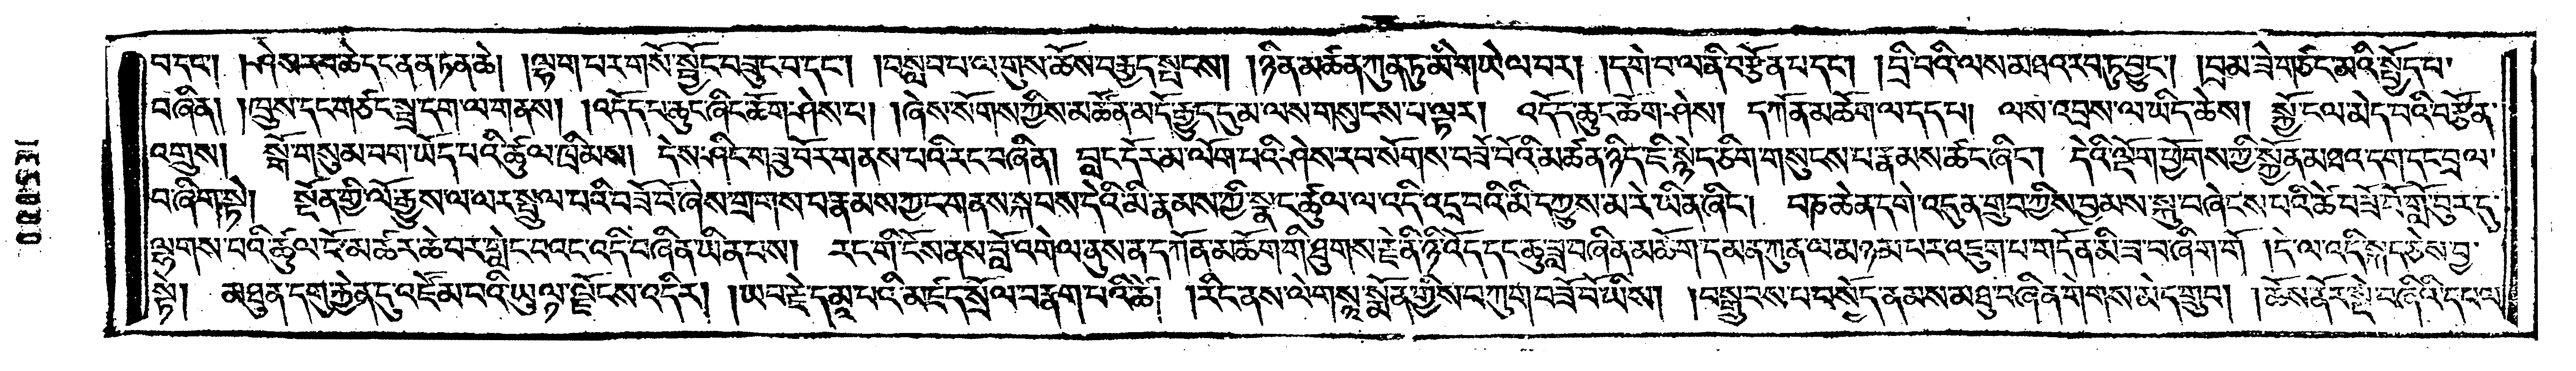བ་དང་། །ཤེས་རབ་ཆེ་དང་ནན་ཏན་ཆེ། །ལྷག་པར་གསོ་སྦྱོང་བཟུང་བ་དང་། །བསླབ་པ་ལ་གུས་ཆོས་བརྒྱད་སྤངས། །ཉིན་མཚན་ཀུན་ཏུ་མི་གཡེལ་བར། །དགེ་བ་ལ་ནི་བརྩོན་པ་དང་། །བྲི་བའི་ལས་མཐའ་རབ་ཏུ་བྱུང་། །བྲམ་ཟེ་གཙང་མའི་སྤྱོད་པ་
བཞིན། །ཁྲུས་དང་གཙང་སྦྲ་དག་ལ་གནས། །འདོད་པ་ཆུང་ཞིང་ཆོག་ཤེས་པ། །ཞེས་སོགས་ཀྱིས་མཚོན་མདོ་རྒྱུད་དུ་མ་ལས་གསུངས་པ་ལྟར། འདོད་ཆུང་ཆོག་ཤེས། དཀོན་མཆོག་ལ་དད་པ། ལས་འབྲས་ལ་ཡིད་ཆེས། སྐྱོ་ངལ་མེད་པའི་བརྩོན་
འགྲུས། སྒོ་གསུམ་བག་ཡོད་པའི་ཚུལ་ཁྲིམས། དེས་ཤིང་གཟུ་བོར་གནས་པའི་རང་བཞིན། བླང་དོར་མ་ལོག་པའི་ཤེས་རབ་སོགས་བཟོ་པོའི་མཚན་ཉིད་ཇི་སྙེད་ཅིག་གསུངས་པ་རྣམས་ཚང་ཞིང་། དེའི་ལྡོག་ཕྱོགས་ཀྱི་སྐྱོན་མཐའ་དག་དང་བྲལ་
བ་ཞིག་སྟེ། སྔོན་གྱི་ལོ་རྒྱུས་ལ་ལར་སྤྲུལ་པའི་བཟོ་བོ་ཞེས་གྲགས་པ་རྣམས་ཀྱང་གནས་སྐབས་དེའི་མི་རྣམས་ཀྱི་སྣང་ཚུལ་ལ་འདི་འདྲ་བའི་མི་དཀྱུས་མ་རེ་ཡིན་ཞིང་། པཎ་ཆེན་དགེ་འདུན་གྲུབ་ཀྱིས་བྱམས་སྐུ་བཞེངས་པའི་ཚེ་བཟོ་བོ་གློ་བུར་དུ་
ལྷགས་པའི་ཚུལ་ངོ་མཚར་ཆེ་བར་གླེང་བའང་འདི་བཞིན་ཡིན་པས། རང་གི་ངོས་ནས་བློ་འགྲེལ་ནུས་ན་དཀོན་མཆྒོ་གི་ཐུགས་རྗེ་ནི་ཉི་འོད་དང་ཆུ་ཟླ་བཞིན་མཆོག་དམན་ཀུན་ལ་མཉམ་པར་འཇུག་པ་གདོན་མི་ཟ་བ་ཞིག་གོ །དེ་ལ་འདི་སྐད་ཅེས་བྱ་
སྟེ། མཐུན་དགུ་རྐྱེན་དུ་འཛོམས་པའི་ཡུ་ལྟ་ལྗོངས་འདིར། །ཡབ་རྗེ་དམའ་པའི་མཛད་སྲོལ་བྲང་པའི་ཚེ། །རིང་ནས་ལེགས་སྨོན་གྱིས་བཀུག་བཟོ་བོ་ཡིས། །བསྒྲུབས་པ་བསོད་ནམས་མཐུ་བཞིན་གེགས་མེད་གྲུབ། །ཆོས་ནོར་སྡེ་བཞིའི་དཔལ་